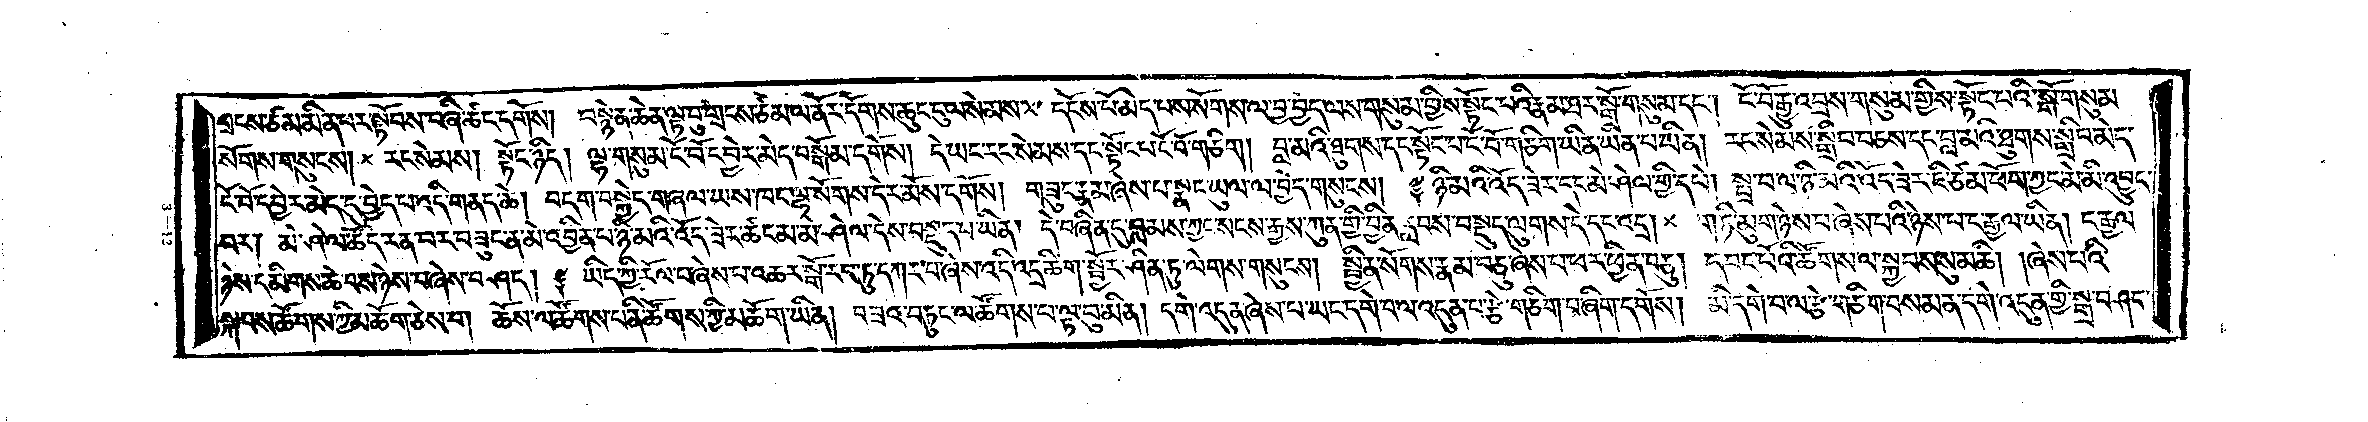གྲངས་ཙམ་མིན་པར་སྟོབས་བཞི་ཚང་དགོས། བསྙེན་ཆེན་ལྟ་བུ་གྲངས་ཙམ་ལ་ནོར་དོགས་ཆུང་དུ་ལ་སེམས་྾་དངོས་པོ་མེད་པས་སོགས་ལ་བྱ་བྱེད་ལས་གསུམ་བྱིས་སྟོང་པའི་རྣམ་ཐར་སྒོ་གསུམ་དང་། ངོ་བོ་རྒྱུ་འབྲས་གསུམ་གྱིས་སྟོང་པའི་སྒོ་གསུམ་
སོགས་གསུངས། ྾་རང་སེམས། སྟོང་ཉིད། ལྷ་གསུམ་ངོ་བོ་དབྱེར་མེད་བསྒོམ་དགོས། དེ་ཡང་རང་སེམས་དང་སྟོང་པ་ངོ་བོ་གཅིག། བླ་མའི་ཐུགས་དང་སྟོང་པ་ངོ་བོ་གཅིག་ཡིན་ཡིན་པ་ཡིན། རང་སེམས་སྒྲིབ་བཅས་དང་བླ་མའི་ཐུགས་སྒྲིབ་མེད་
ངོ་བོ་དབྱེར་མེད་དུ་བྱེད་པ་འདི་གནད་ཆེ། བདག་བསྐྱེད་གཞལ་ཡས་ཁང་ལྷ་སོགས་དེར་མོས་དགོས། གཟུང་རྣམ་ཞེས་པ་སྣང་ཡུལ་ལ་བྱེད་གསུངས། ༈ ཉི་མའི་འོད་ཟེར་དང་མེ་ཤེལ་གྱི་དཔེ། སྤྲ་བ་ལ་ཉི་མའི་འོད་ཟེར་ཇི་ཙམ་ཕོག་ཀྱང་མེ་མི་འབྱུང་
བར། མེ་ཤེལ་ཚོད་རན་བར་བཟུང་ན་མེ་འབྱིན་པ་ཉི་མའི་འོད་ཟེར་ཚང་མ་མེ་ཤེལ་དེས་བསྡུད་པ་ཡིན། དེ་བཞིན་དུ་བླ་མས་ཀྱང་སངས་རྒྱས་ཀུན་གྱི་བྱིན་རླབས་བསྡུད་ལུགས་དེ་དང་འདྲ། ྾་གཏི་མུག་ཉེས་པ་ཞེས་པའི་ཉེས་པ་ང་རྒྱལ་ཡིན། ང་རྒྱལ་
ཉེས་དམིགས་ཆེ་བས་ཉེས་བ་ཞེས་བཤད། ༈ ཡིད་ཀྱི་རོལ་པ་ཞེས་པ་འཆར་སྒོ་རང་ཏུ་དཀར་བ་ཞེས་འདི་འདྲ་ཚིག་སྦྱོར་ཤིན་ཏུ་ལེགས་གསུངས། སྦྱིན་སོགས་རྣམ་བཅུ་ཞེས་པ་ཕར་ཕྱིན་བཅུ། དབང་པོའི་ཚོགས་ལ་སྐྱབས་སུ་མཆི། །ཞེས་པའི་
སྐབས་ཚོགས་ཀྱི་མཆོག་ཅེས་པ། ཆོས་ལ་ཚོགས་པ་ནི་ཚོགས་ཀྱི་མཆོག་ཡིན། བཟའ་བཏུང་ལ་ཚོགས་པ་ལྟ་བུ་མིན། དགེ་འདུན་ཞེས་པ་ཡང་དགེ་བ་ལ་འདུན་པ་རྩེ་གཅིག་པ་ཞིག་དགོས། མི་དགེ་བ་ལ་རྩེ་གཅིག་བསམ་ན་དགེ་འདུན་གྱི་སྒྲ་བཤད་